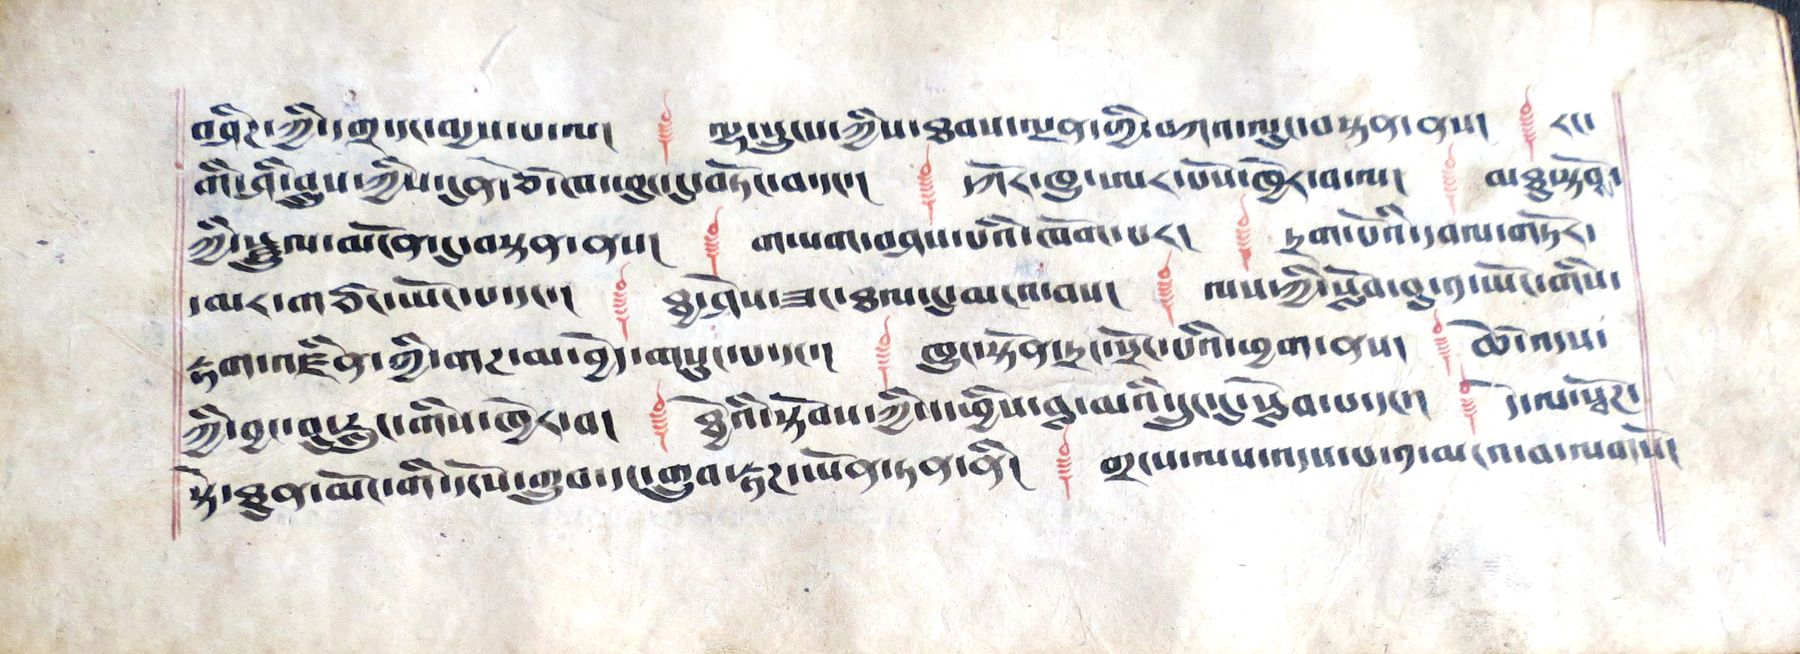བཤིག་གི་དགྲ་དང་རྒྱས་པ་ལ། ལྷ་སྲུང་གི་ཐབས་ལྡན་གྱིས་བཀའ་ལུང་བསྟན་ནས། རང་
གི་ཤི་སླུས་ཀྱི་དུན་ཚེ་ཁ་ཕུང་དུ་གཏོང་པ་དང་། དཀོར་ཁྱུ་ཨར་པོས་ཁྱེར་བ་ལ། མཐུ་སྟོབས་
ཀྱིས་རྫུ་འཕྲུལ་མངོན་དུ་བསྟན་ནས། གཡག་བཤས་པའི་ཁོག་པར། དྲག་པོའི་དབལ་གཏོར་
དམར་ཟང་ངེར་ཡོང་བ་དང་། ཐུགས་ཤེས་ཟང་ཐལ་དུ་མངའ་བས། ལས་ཀྱི་སློབ་བུ་ཞིག་འོང་གི། 
རྟག་འཛིན་གྱིས་གགས་མ་བྱེད་གསུངས་པ་དང་། ཁྱུང་སྟོན་དྲང་སྲོང་པའི་ཕྱག་ནས། ཚེ་འདས་
ཀྱི་བྱང་བུ་རླུང་གིས་ཁྱེར་བ་ཐུགས་རྗེའི་སྟོབས་ཀྱིས་ཕྱིས་བླ་མའི་དྲུང་དུ་སླེབ་པ་དང་། དེ་ལས་སོགས་
ཏེ་ཐུན་མོང་གི་དངོས་གྲུབ་དང་གྲུབ་རྟགས་ཡོན་ཏན་ནི། གྲངས་ལས་འདས་པ་ཞིག་མངའ་བ་ལགས་སོ། །